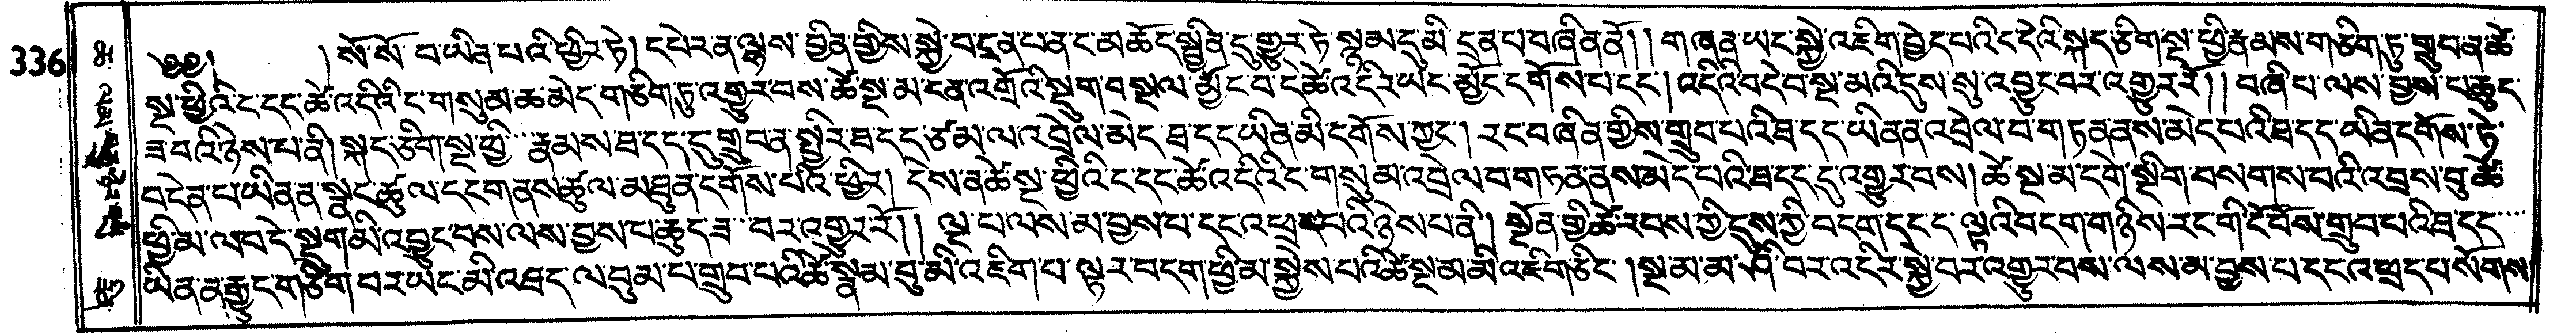༄༅། །སོ་སོ་བ་ཡིན་པའི་ཕྱིར་ཏེ། དཔེར་ན་ལྷས་བྱིན་གྱིས་སྐྱེ་བ་དྲན་པ་ན་ང་མཆོད་སྦྱིན་དུ་གྱུར་ཏེ་སྙམ་དུ་མི་དྲན་པ་བཞིན་ནོ། །གཞན་ཡང་སྐྱེ་འཇིག་བྱེད་པའི་ང་དེའི་སྐད་ཅིག་སྔ་ཕྱི་རྣམས་གཅིག་ཏུ་གྲུབ་ན་ཚེ་
སྔ་ཕྱིའི་ང་དང་ཚེ་འདིའི་ང་གསུམ་ཆ་མེད་གཅིག་ཏུ་འགྱུར་བས་ཚེ་སྔ་མ་ངན་འགྲོའི་སྡུག་བསྔལ་མྱོང་བ་དེ་ཚེ་འདིར་ཡང་མྱོང་དགོས་པ་དང་། འདིའི་བདེ་བ་སྔ་མའི་དུས་སུ་འབྱུང་བར་འགྱུར་རོ། །བཞི་པ་ལས་བྱས་པ་ཆུད་
ཟ་བའི་ཉེས་པ་ནི། སྐད་ཅིག་སྔ་ཕྱི་རྣམས་ཐ་དད་དུ་གྲུབ་ན་སྤྱིར་ཐ་དད་ཙམ་ལ་འབྲེལ་མེད་ཐ་དད་ཡིན་མི་དགོས་ཀྱང་། རང་བཞིན་གྱིས་གྲུབ་པའི་ཐ་དད་ཡིན་ན་འབྲེལ་བ་གཏན་ནས་མེད་པའི་ཐ་དད་ཡིན་དགོས་ཏེ་
བདེན་པ་ཡིན་ན་སྣང་ཚུལ་དང་གནས་ཚུལ་མཐུན་དགོས་པའི་ཕྱིར། དེས་ན་ཚེ་སྔ་ཕྱིའི་ང་དང་ཚེ་འདིའི་ང་གསུམ་འབྲེལ་བ་གཏན་ནས་མེད་པའི་ཐ་དད་དུ་འགྱུར་བས། ཚེ་སྔ་མ་དགེ་སྡིག་བསགས་པའི་འབྲས་བུ་ཚེ་
ཕྱི་མ་ལ་བདེ་སྡུག་མི་འབྱུང་བས་ལས་བྱས་པ་ཆུད་ཟ་བར་འགྱུར་རོ། །ལྔ་པ་ལས་བྱས་པ་དང་འཕྲད་པའི་ཉེས་པ་ནི། སྔོན་གྱི་ཚེ་རབས་ཀྱི་དུས་ཀྱི་བདག་དང་ད་ལྟའི་བདག་གཉིས་རང་གི་ངོ་བོས་གྲུབ་པའི་ཐ་དད་
ཡིན་ན་རྒྱུད་གཅིག་བར་ཡང་མི་འཐད་ལ་བུམ་པ་གྲུབ་པའི་ཚེ་སྣམ་བུ་མི་འཇིག་པ་ལྟར་བདག་ཕྱི་མ་སྐྱེས་པའི་ཚེ་སྔ་མ་མི་འཇིག་ཅིང་། སྔ་མ་མ་ཤི་བར་འདིར་སྐྱེ་བར་འགྱུར་བས་ལས་མ་བྱས་པ་དང་འཕྲད་པ་སོགས་